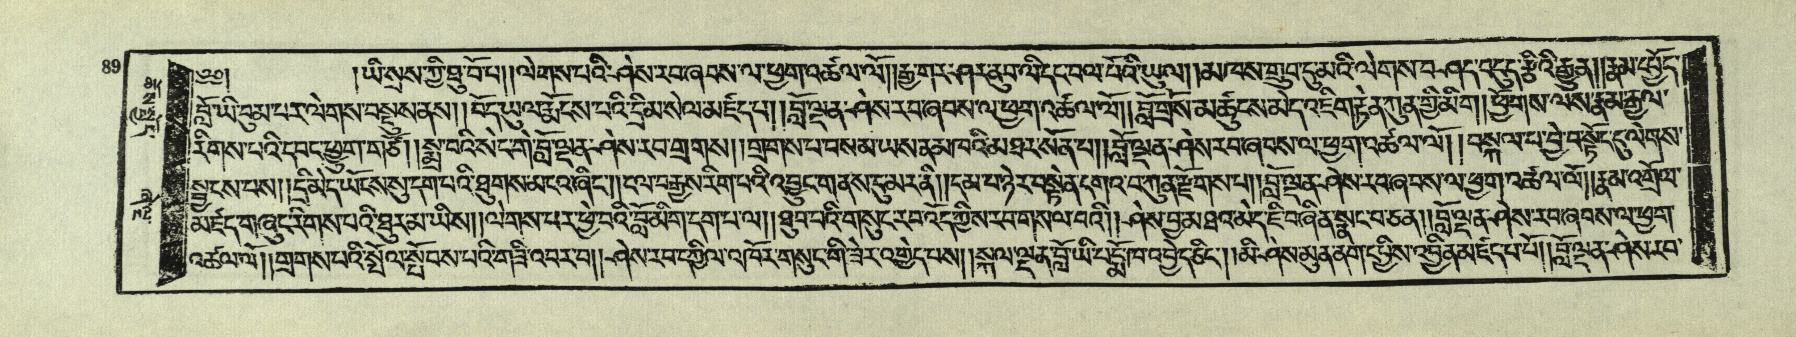༄༅། །ཡི་སྲས་ཀྱི་ཐུབ་བོ་པ། །ལེགས་པའི་ཤེས་རབ་ཞབས་ལ་ཕྱག་འཚལ་ལོ། །རྒྱ་གར་ཤར་ནུབ་ལེ་དང་བལ་པོའི་ཡུལ། །མཁས་གྲུབ་དུ་མའི་ལེགས་བཤད་བདུད་རྩིའི་རྒྱུན། །རྣམ་དཔྱོད་
བློ་ཡི་བུམ་བར་ལེགས་བསྡུས་ནས། །བོད་ཡུལ་རྨོངས་པའི་དྲི་མ་སེལ་མཛད་པ། །བློ་ལྡན་ཤེས་རབ་ཞབས་ལ་ཕག་འཚལ་ལོ། །བློ་གྲོས་མཚུངས་མེད་འཇིག་རྟེན་ཀུན་གྱི་མིག། །ཕྱོགས་ལས་རྣམ་རྒྱལ་
རིགས་པའི་དབང་ཕྱུག་གཙོ། །སྨྲ་བའི་སེང་གེ་བློ་ལྡན་ཤེས་རབ་གྲགས། །གྲགས་པ་བསམ་ཡས་ནམ་མཁའི་མཐར་སོན་པ། །བློ་ལྡན་ཤེས་རབ་ཞབས་ལ་ཕྱག་འཚལ་ལོ། །བསྐལ་པ་བྱེ་བ་སྟོང་དུ་ལེགས་
སྦྱངས་པས། །དྲི་མེད་ཡོངས་སུ་དག་པའི་ཐུགས་མངའ་ཞིང་། །ངལ་བརྒྱས་རིག་པའི་འབྱུང་གནས་དུ་མར་ནི། །དམ་པ་ཉེར་བསྟེན་དགའ་བ་ཀུན་རྫོགས་པ། །བློ་ལྡན་ཤེས་རབ་ཞབས་ལ་ཕྱག་འཚལ་ལོ། །རྣམ་འགྲོལ་
མཛད་གཞུང་རིགས་པའི་ཐུར་མ་ཡིས། །ལེགས་པར་ཕྱེ་བའི་བློ་མིག་དག་པ་ལ། །ཐུབ་པའི་གསུང་རབ་འོད་ཀྱིས་རབ་གསལ་བའི། །ཤེས་བྱ་མཐའ་མེད་ཇི་བཞིན་སྣང་བ་ཅན། །བློ་ལྡན་ཤེས་རབ་ཞབས་ལ་ཕྱག་
འཚལ་ལོ། །གྲགས་པའི་སྤོལ་སྤོབས་པའི་གཟི་འབར་བ། །ཤེས་རབ་དཀྱིལ་འཁོར་གསུང་གི་ཟེར་འགྱེད་པས། །སྐལ་ལྡན་བློ་ཡི་པདམོ་ཁ་འབྱེད་ཅིང་། །མི་ཤེས་མུན་ནག་དཔྱིས་འབྱིན་མཛད་པ་པོ། །བློ་ལྡན་ཤེས་རབ་